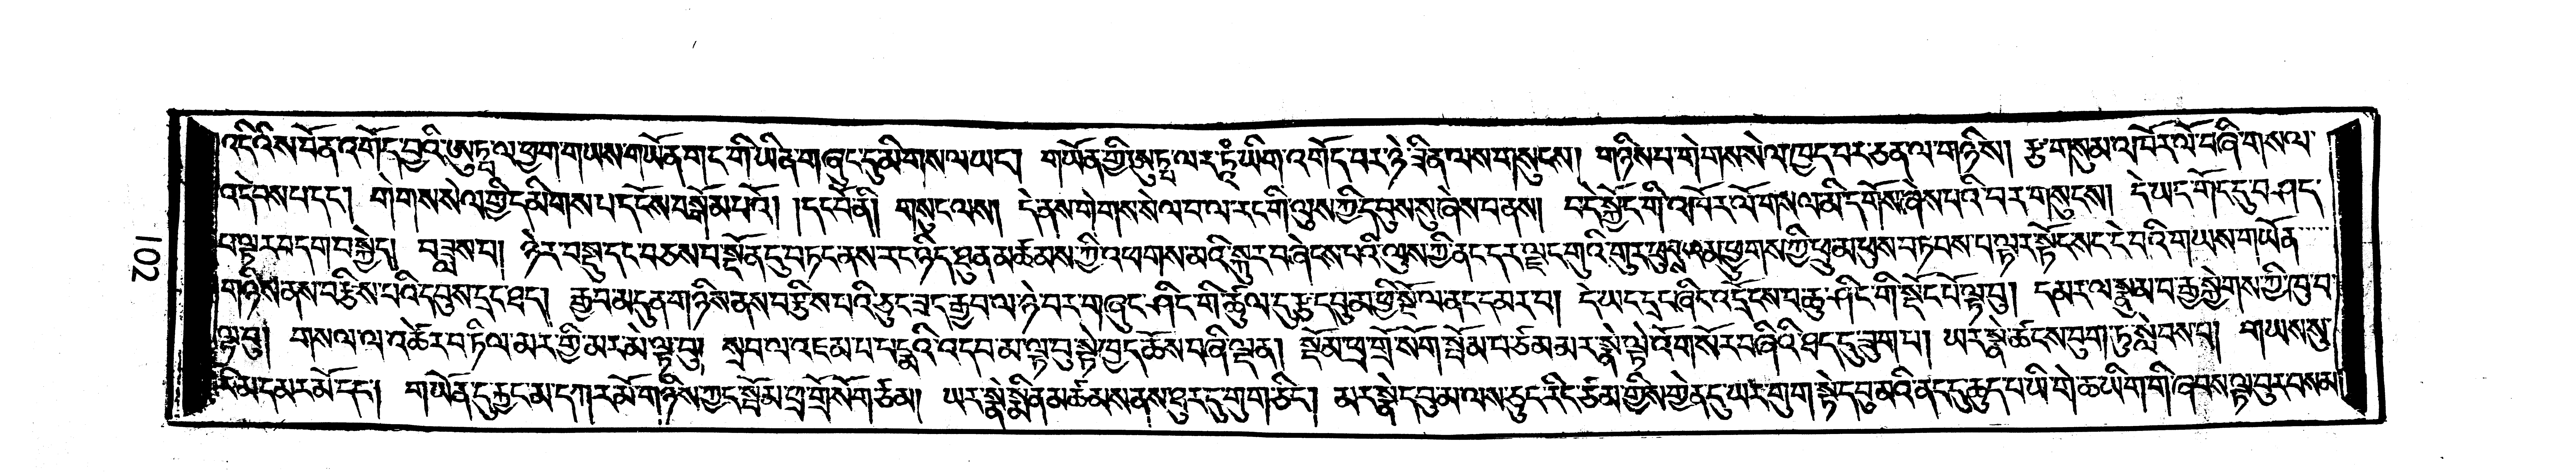འདིའི་ས་བོན་འགོད་བྱའི་ཨུཏྤ་ལ་ཕྱག་གཡས་གཡོན་གང་གི་ཡིན་གཞུང་དུ་མི་གསལ་ཡང་། གཡོན་གྱི་ཨུཏྤ་ལར་ཏཱཾ་ཡིག་འགོད་པར་ཉེ་ཟིན་ལས་གསུངས། གཉིས་པ་གེགས་སེལ་ཁྱད་པར་ཅན་ལ་གཉིས། རྩ་གསུམ་འཁོར་ལོ་བཞི་གསལ་
འདེབས་པ་དང་། གེགས་སེལ་གྱི་དམིགས་པ་དངོས་བསྒོམ་པའོ། །དང་པོ་ནི། གསུང་ལས། དེ་ནས་གེགས་སེལ་བ་ལ་རང་གི་ལུས་ཀྱི་དབུས་སུ་ཞེས་པ་ནས། བདེ་སྐྱོང་གི་འཁོར་ལོ་གསལ་མི་དགོས་ཞེས་པའི་བར་གསུངས། དེ་ཡང་གོང་དུ་བཤད་
པ་ལྟར་བདག་བསྐྱེད། བཟླས་པ། ཉེར་བསྡུ་དང་བཅས་པ་སྔོན་དུ་བཏང་ནས་རང་ཉིད་ཐུན་མཚམས་ཀྱི་འཕགས་མའི་སྐུར་བཞེངས་པའི་ལུས་ཀྱི་ནང་དང་ལྗང་གུའི་གུར་ཕུབས་པའམ་ཕྱུགས་ཀྱི་ཕྲུ་མ་ཕུས་བཏབས་པ་ལྟར་སྟོང་སང་ངེ་བའི་གཡས་གཡོན་
གཉིས་ནས་བརྩིས་པའི་དབུས་དྲང་ཐད། རྒྱབ་མདུན་གཉིས་ནས་བརྩིས་པའི་ཅུང་ཟད་རྒྱབ་ལ་ཉེ་བར་གཞུང་ཤིང་གི་ཚུལ་དུ་རྩ་དབུ་མ་ཕྱི་སྔོ་ལ་ནང་དམར་བ། དེ་ཡང་དྲང་ཞིང་འདྲོངས་པ་ཆུ་ཤིང་གི་སྡོང་པོ་ལྟ་བུ། དམར་ལ་སྣུམ་པ་རྒྱ་སྐྱེགས་ཀྱི་ཁུ་བ་
ལྟ་བུ། གསལ་ལ་འཚེར་བ་ཏིལ་མར་གྱི་མར་མེ་ལྟ་བུ། སྲབ་ལ་འཇམ་པ་པདམའི་འདབ་མ་ལྟ་བུ་སྟེ་ཁྱད་ཆོས་བཞི་ལྡན། སྦོམ་ཕྲ་གྲོ་སོག་སྦོམ་པ་ཙམ་མར་སྣེ་ལྟེ་འོག་སོར་བཞིའི་ཐད་དུ་ཟུག་པ། ཡར་སྣེ་ཚངས་བུག་ཏུ་སླེབས་པ། གཡས་སུ་
རོ་མ་དམར་མོ་དང་། གཡོན་དུ་རྐྱང་མ་དཀར་མོ་གཉིས་ཀྱང་སྒོམ་ཕྲ་གྲོ་སོག་ཙམ། ཡར་སྣེ་སྨིན་མཚམས་ནས་ཐུར་དུ་གུག་ཅིང་། མར་སྣེ་དབུ་མ་ལས་ཅུང་རིང་ཙམ་གྱིས་གྱེན་དུ་ཡར་གུག་སྟེ་དབུ་མའི་ནང་དུ་ཆུད་པ་ཡི་གེ་ཆ་ཡིག་གི་ཞབས་ལྟ་བུར་བསམ་